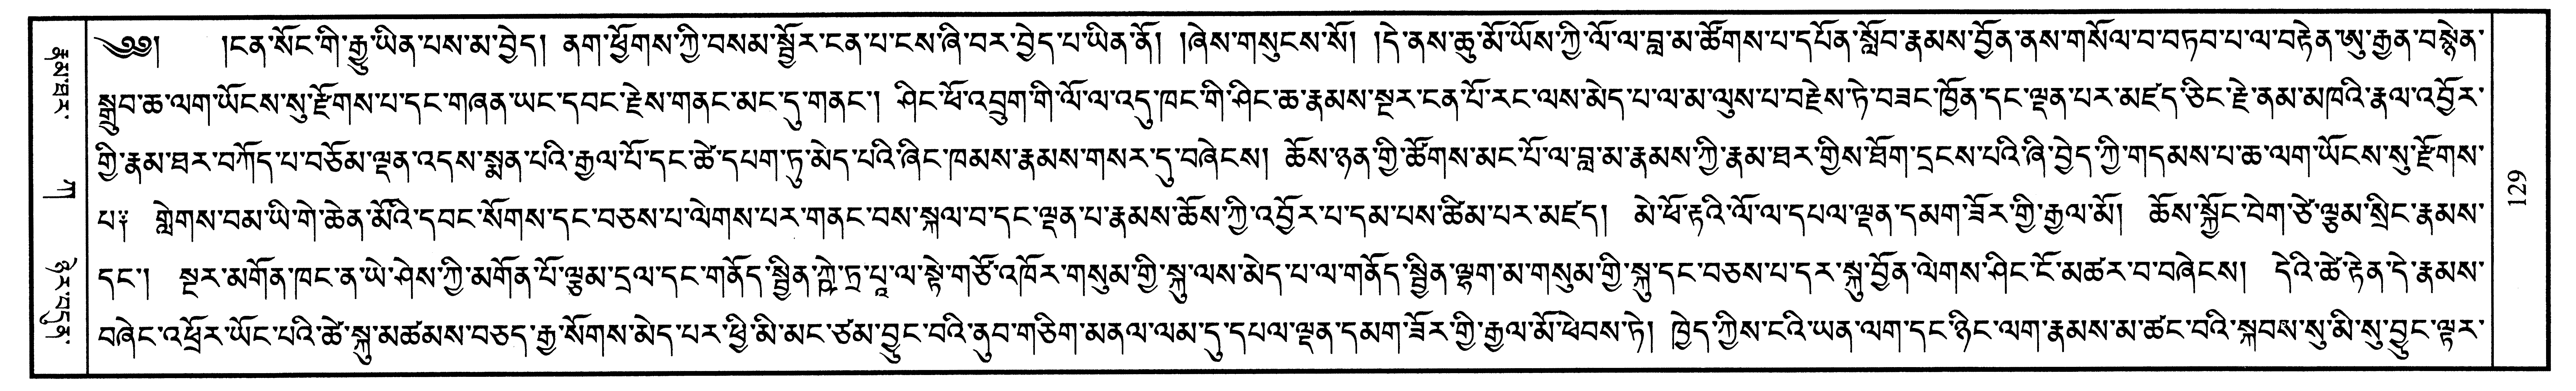༄༅། །ངང་སོང་གི་རྒྱུ་ཡིན་པས་མ་བྱེད། ནག་ཕྱོགས་ཀྱི་བསམ་སྦྱོར་ངན་པ་ངས་ཞི་བར་བྱེད་པ་ཡིན་ནོ། །ཞེས་གསུངས་སོ། །དེ་ནས་ཆུ་མོ་ཡིས་ཀྱི་ལོ་ལ་བླ་མ་ཚོགས་པ་དཔོན་སློབ་རྣམས་བྱོན་ནས་གསོལ་བ་བཏབ་པ་ལ་བརྟེན་ཨུ་རྒྱན་བསྙེན་
སྒྲུབ་ཆ་ལག་ཡོངས་སུ་རྫོགས་པ་དང་གཞན་ཡང་དབང་རྗེས་གནང་མང་དུ་གནང་། ཤིང་ཕོ་འབྲུག་གི་ལོ་ལ་འདུ་ཁང་གི་ཤིང་ཆ་རྣམས་སྔར་ངན་པོ་རང་ལས་མེད་པ་ལ་མ་ལུས་པ་བརྗེས་ཏེ་བཟང་ཁྱོན་དང་ལྡན་པར་མཛད་ཅིང་རྗེ་ནམ་མཁའི་རྣལ་འབྱོར་
གྱི་རྣམ་ཐར་བཀོད་པ་བཅོམ་ལྡན་འདས་སྨན་པའི་རྒྱལ་པོ་དང་ཚེ་དཔག་ཏུ་མེད་པའི་ཞིང་ཁམས་རྣམས་གསར་དུ་བཞེངས། ཆོས་ཉན་གྱི་སོགས་མང་པོ་ལ་བླ་མ་རྣམས་ཀྱི་རྣམ་ཐར་གྱིས་ཐོག་དྲངས་པའི་ཞི་བྱེད་ཀྱི་གདམས་པ་ཆ་ལག་ཡོངས་སུ་རྫོགས་
པ༑ གླེགས་བམ་ཡི་གེ་ཆེན་མོའི་དབང་སོགས་དང་བཅས་པ་ལེགས་པར་གནང་བས་སྐལ་བ་དང་ལྡན་པ་རྣམས་ཆོས་ཀྱི་འབྱོར་པ་དམ་པས་ཚིམ་པར་མཛད། མེ་ཕོ་རྟའི་ལོ་ལ་དཔལ་ལྡན་དམག་ཟོར་གྱི་རྒྱལ་མོ། ཆོས་སྐྱོང་བེག་ཙེ་ལྕམ་སྲིང་རྣམས་
དང་། སྔར་མགོན་ཁང་ན་ཡེ་ཤེས་ཀྱིས་མགོན་པོ་ལྕམ་དྲལ་དང་གནོད་སྦྱིན་ཀྵེ་ཏྲ་པཱ་ལ་སྟེ་གཙོ་འཁོར་གསུམ་གྱི་སྐུ་ལས་མེད་པ་ལ་གནོད་སྦྱིན་ལྷག་མ་གསུམ་གྱི་སྐུ་དང་བཅས་པ་དར་སྐུ་བྱོན་ལེགས་ཤིང་ངོ་མཚར་བ་བཞེངས། དེའི་ཚེ་རྟེན་དེ་རྣམས་
བཞེང་འཕྲེང་ཡོང་བའི་ཚེ་སྐུ་མཚམས་བཅད་རྒྱ་སོགས་མེད་པ་ཕྱི་མི་མང་ཙམ་བྱུང་བའི་ནུབ་གཅིག་མནལ་ལམ་དུ་དཔལ་ལྡན་དམག་ཟོར་གྱི་རྒྱལ་མོ་ཕེབས་ཏེ། ཁྱེད་ཀྱིས་ངའི་ཡན་ལག་དང་ཉིང་ལག་རྣམས་མ་ཚང་བའི་སྐབས་སུ་མི་སུ་བྱུང་ལྟར་